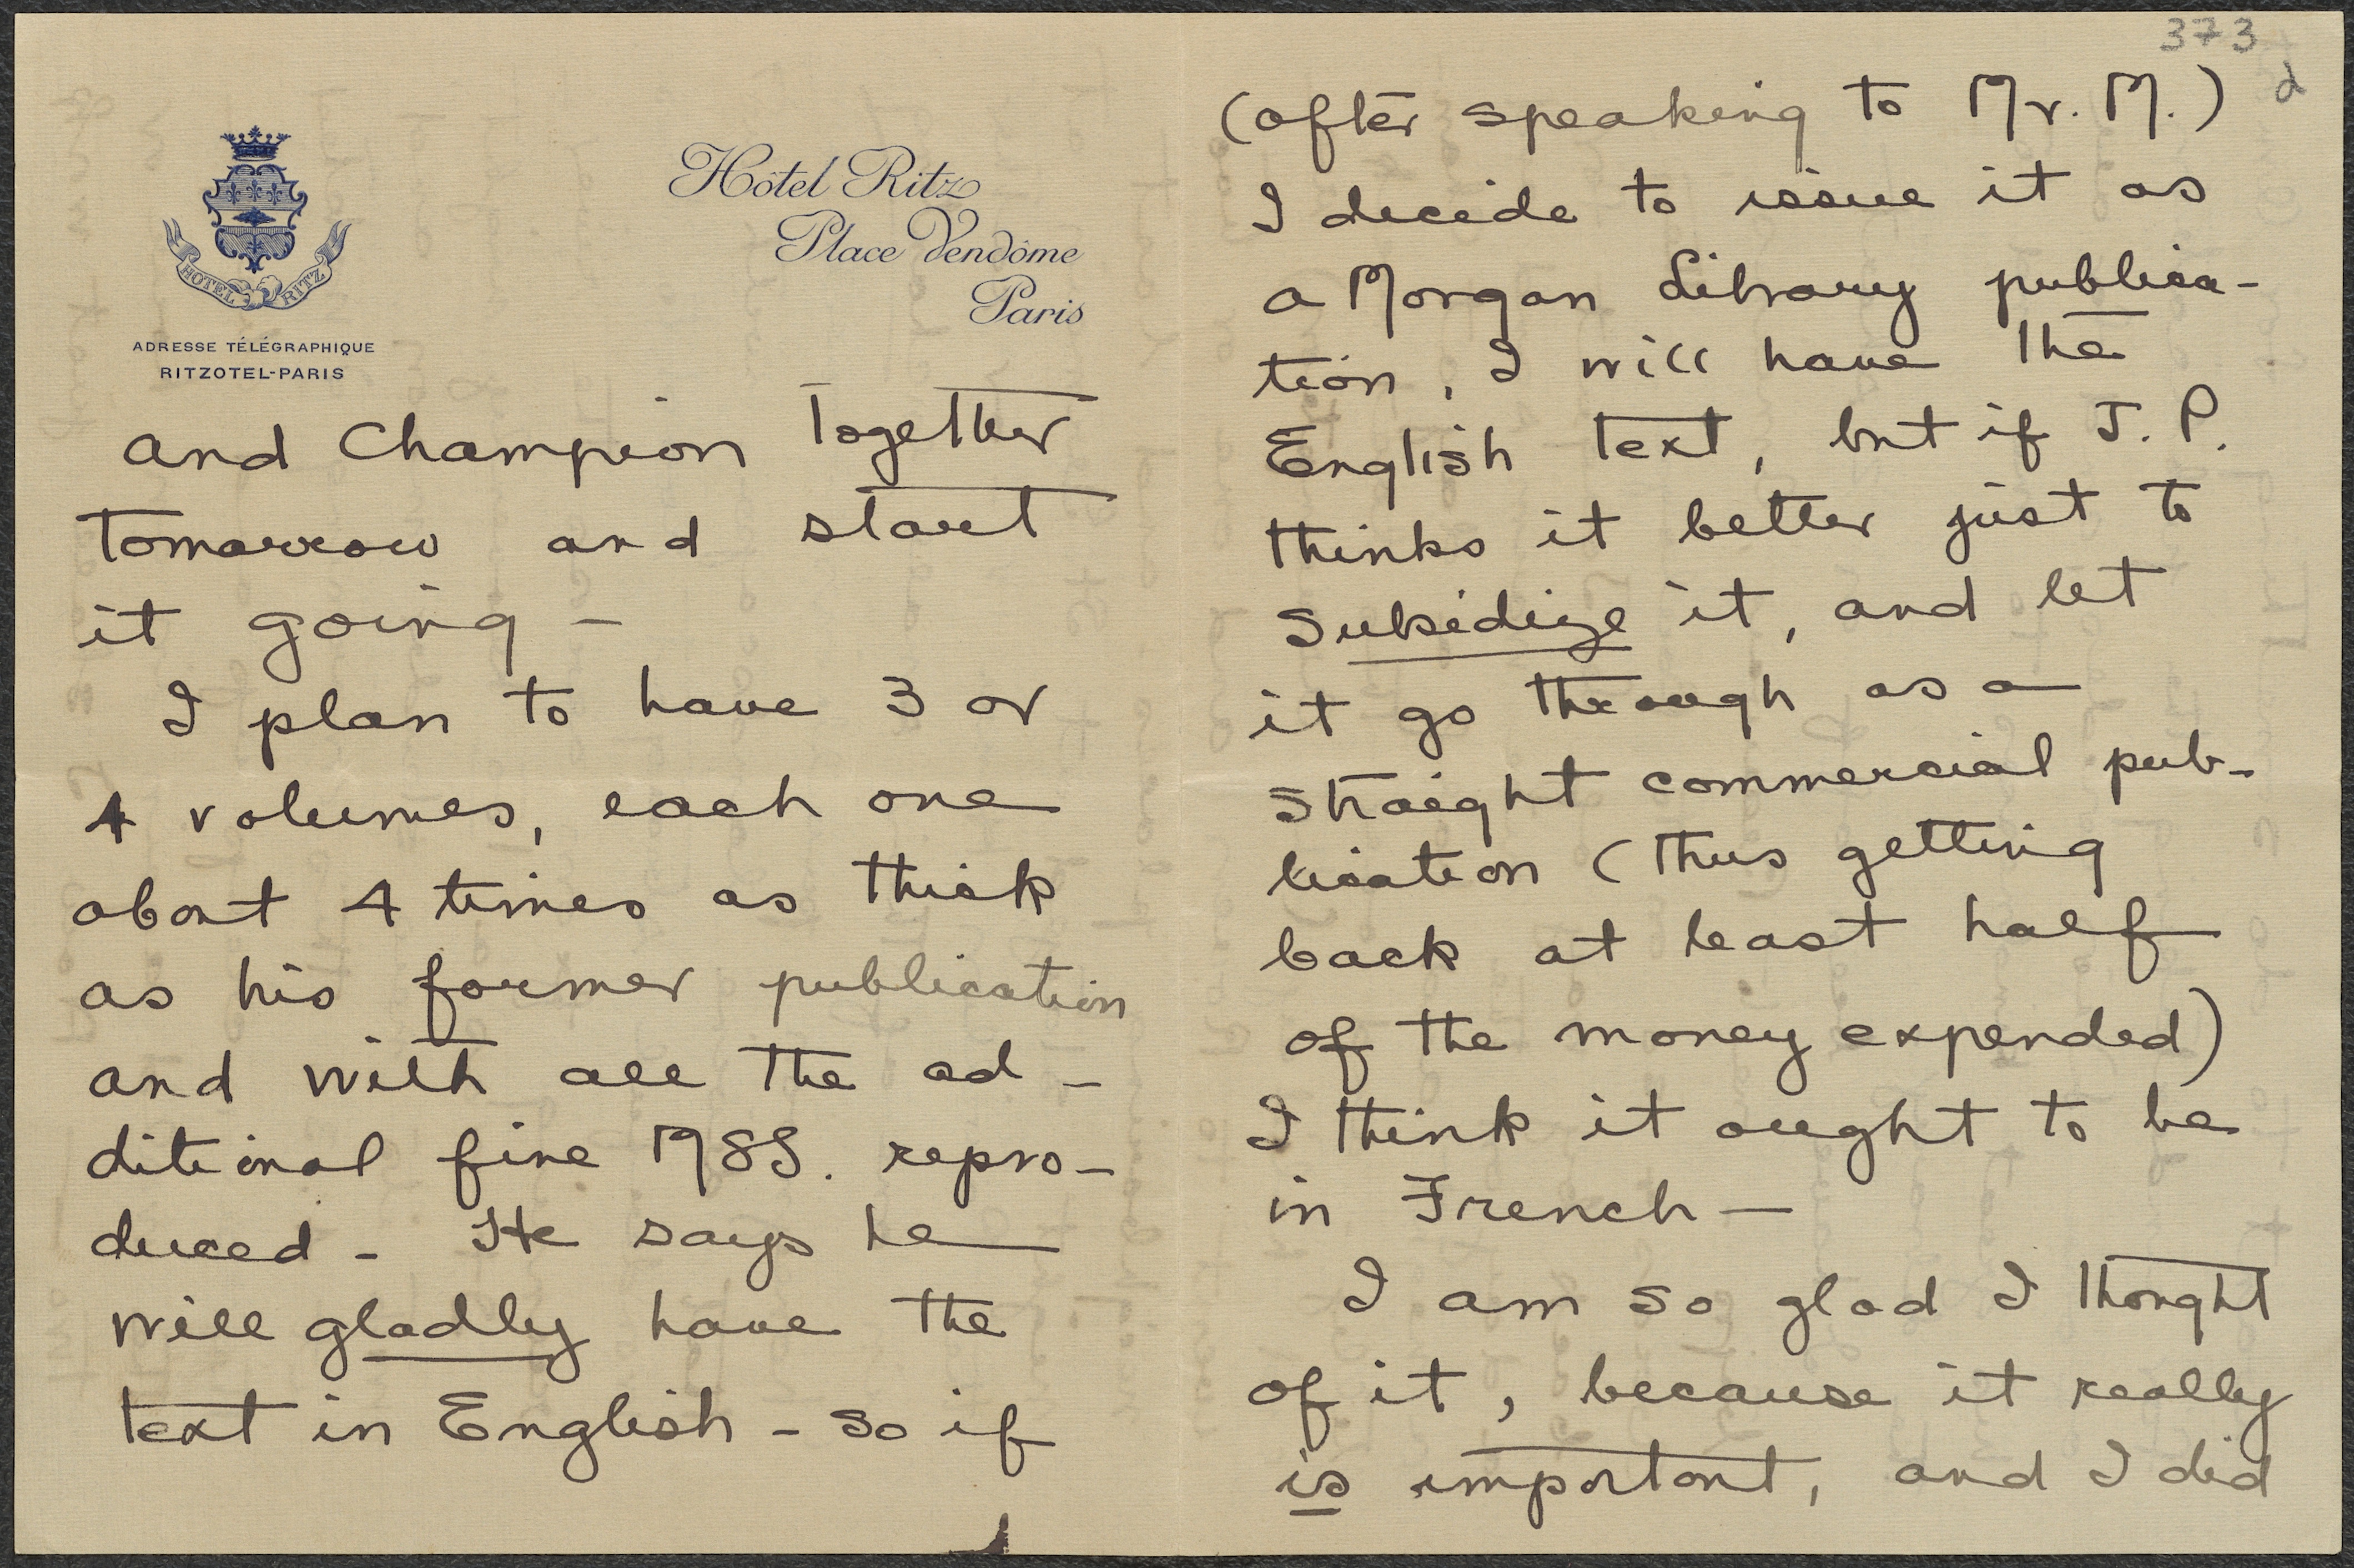and Champion together tomorrow and start it going –
(after speaking to Mr. M) I decide to issue it as a Morgan Library publication, I will have the English text, but if J.P. thinks it better just to subsidize it, and let it go through as a straight commercial publication (thus getting back at least half of the money expended) I think it ought to be in French –
I am so glad I thought of it, because it really is important, and I did